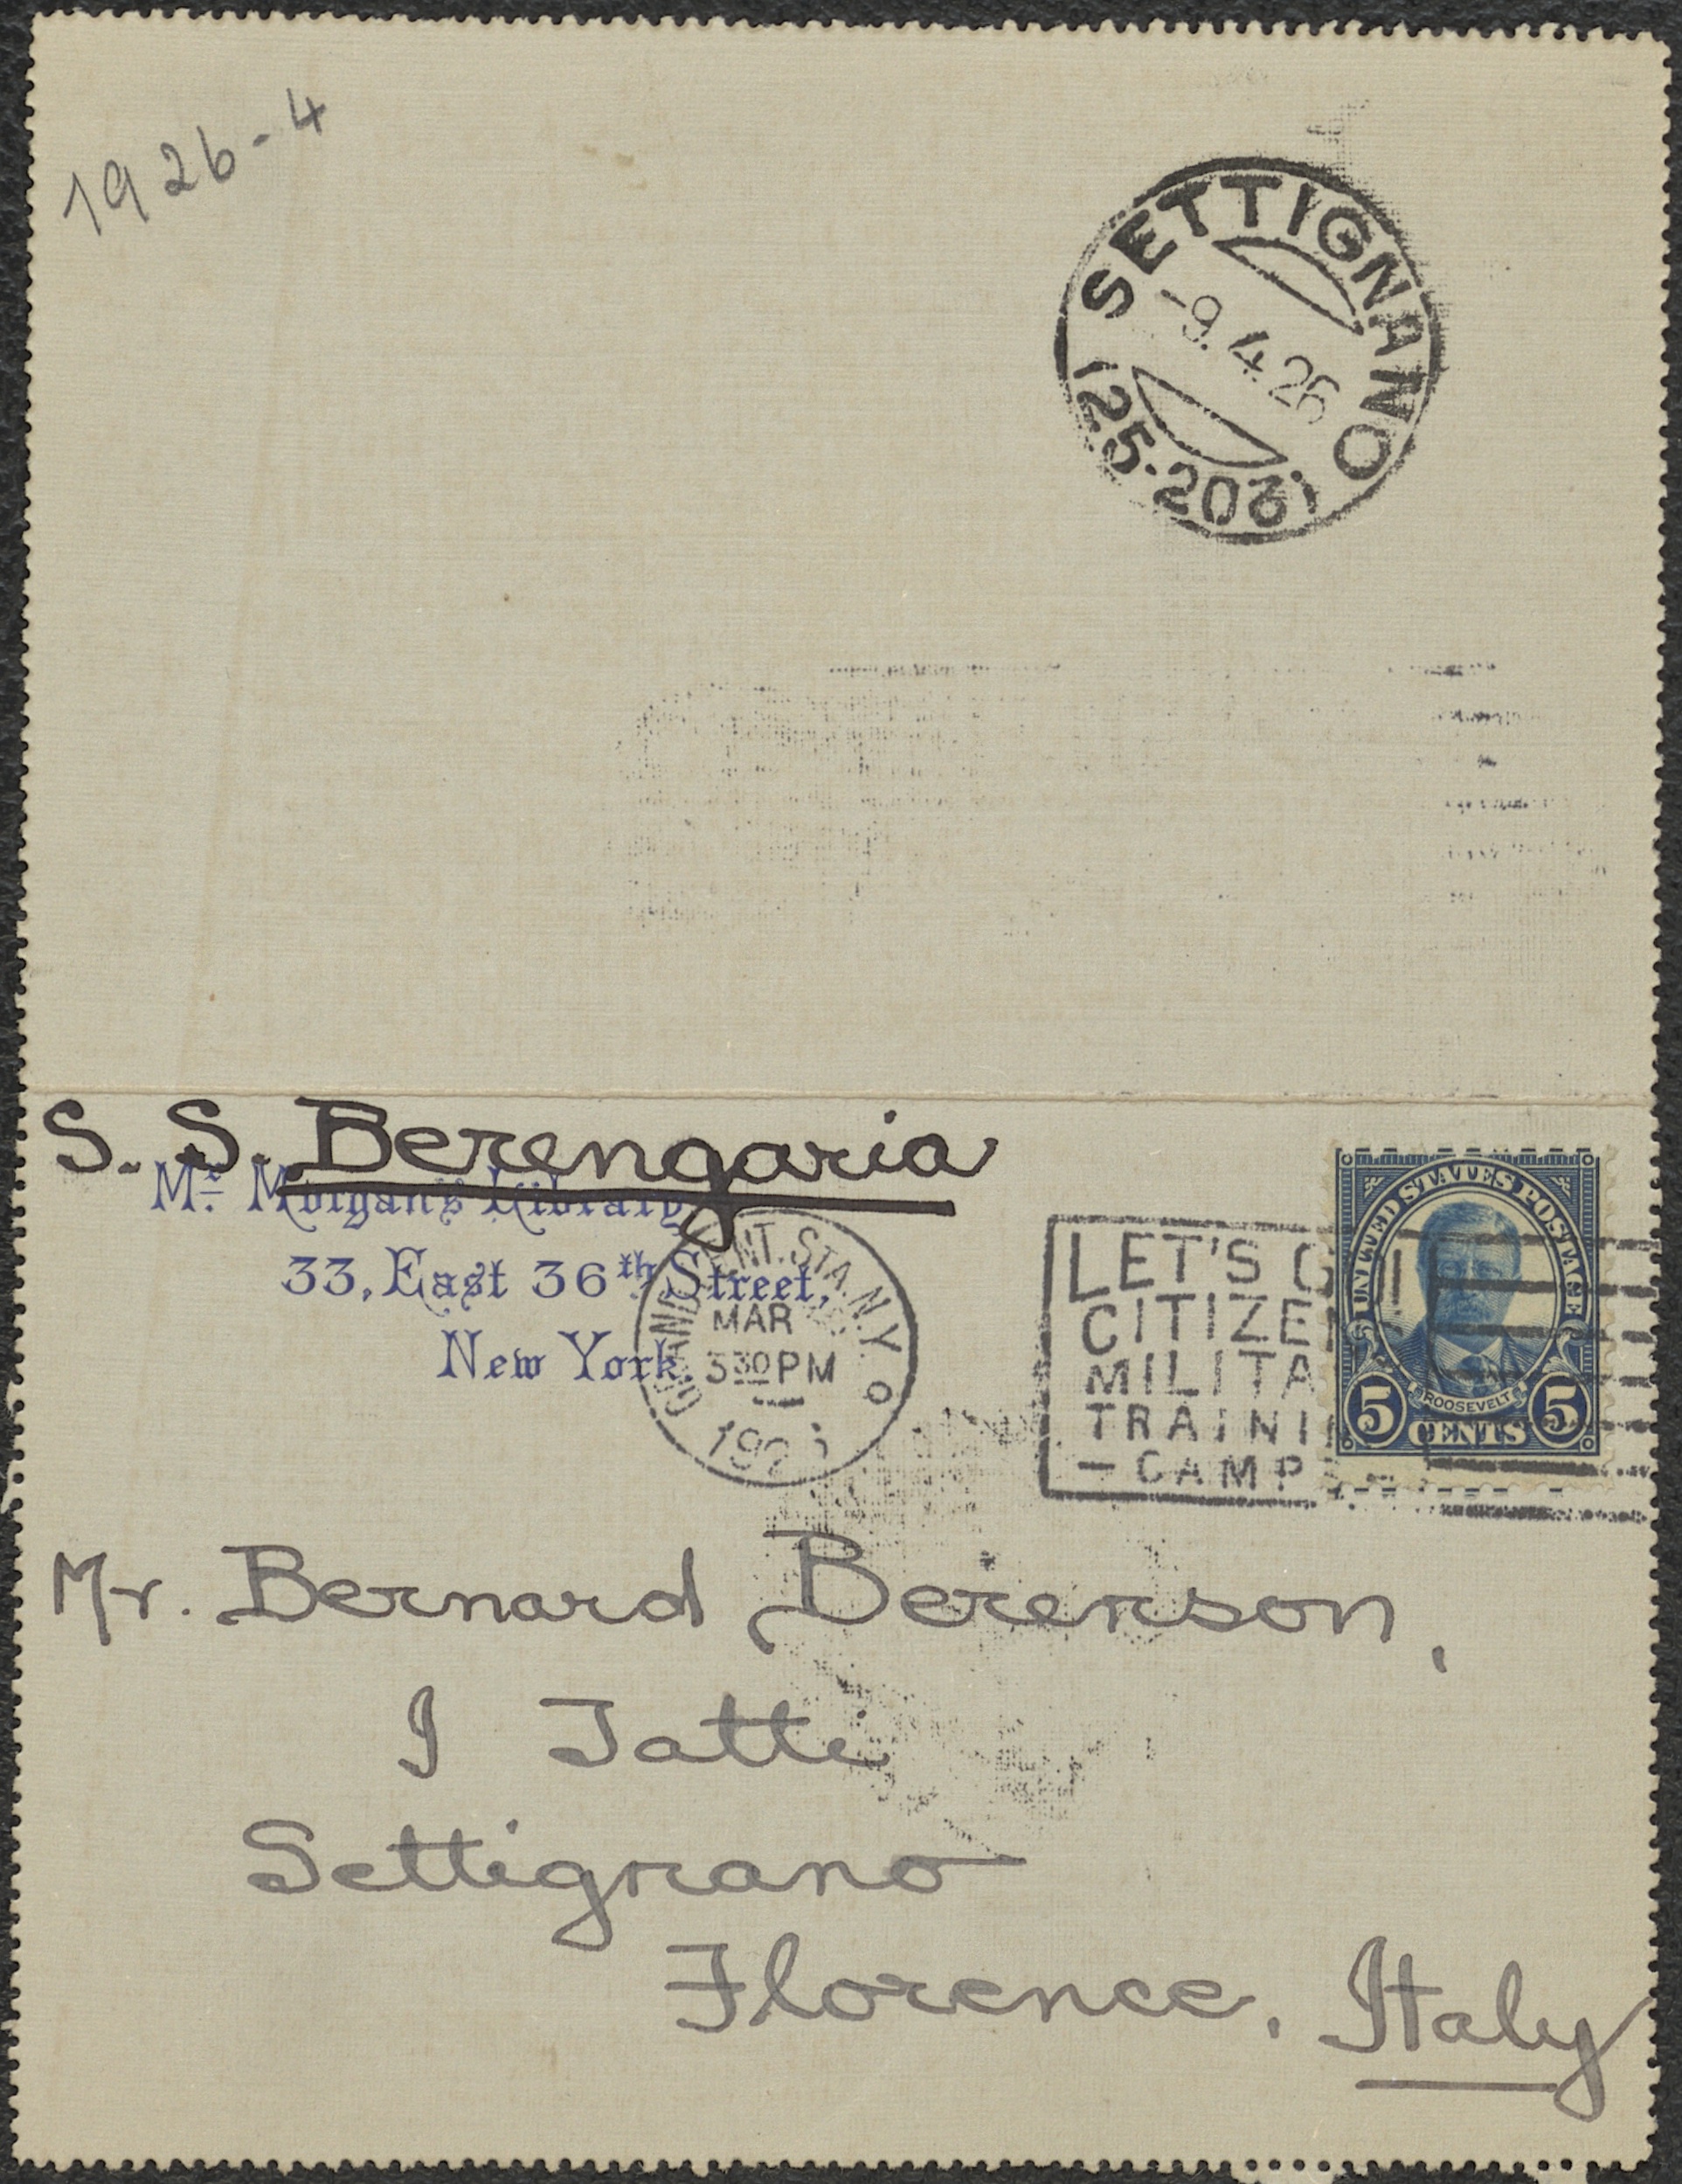S.S. Berengaria
Mr. Bernard Berenson,
I Tatti
Settigrano
Florence, Italy